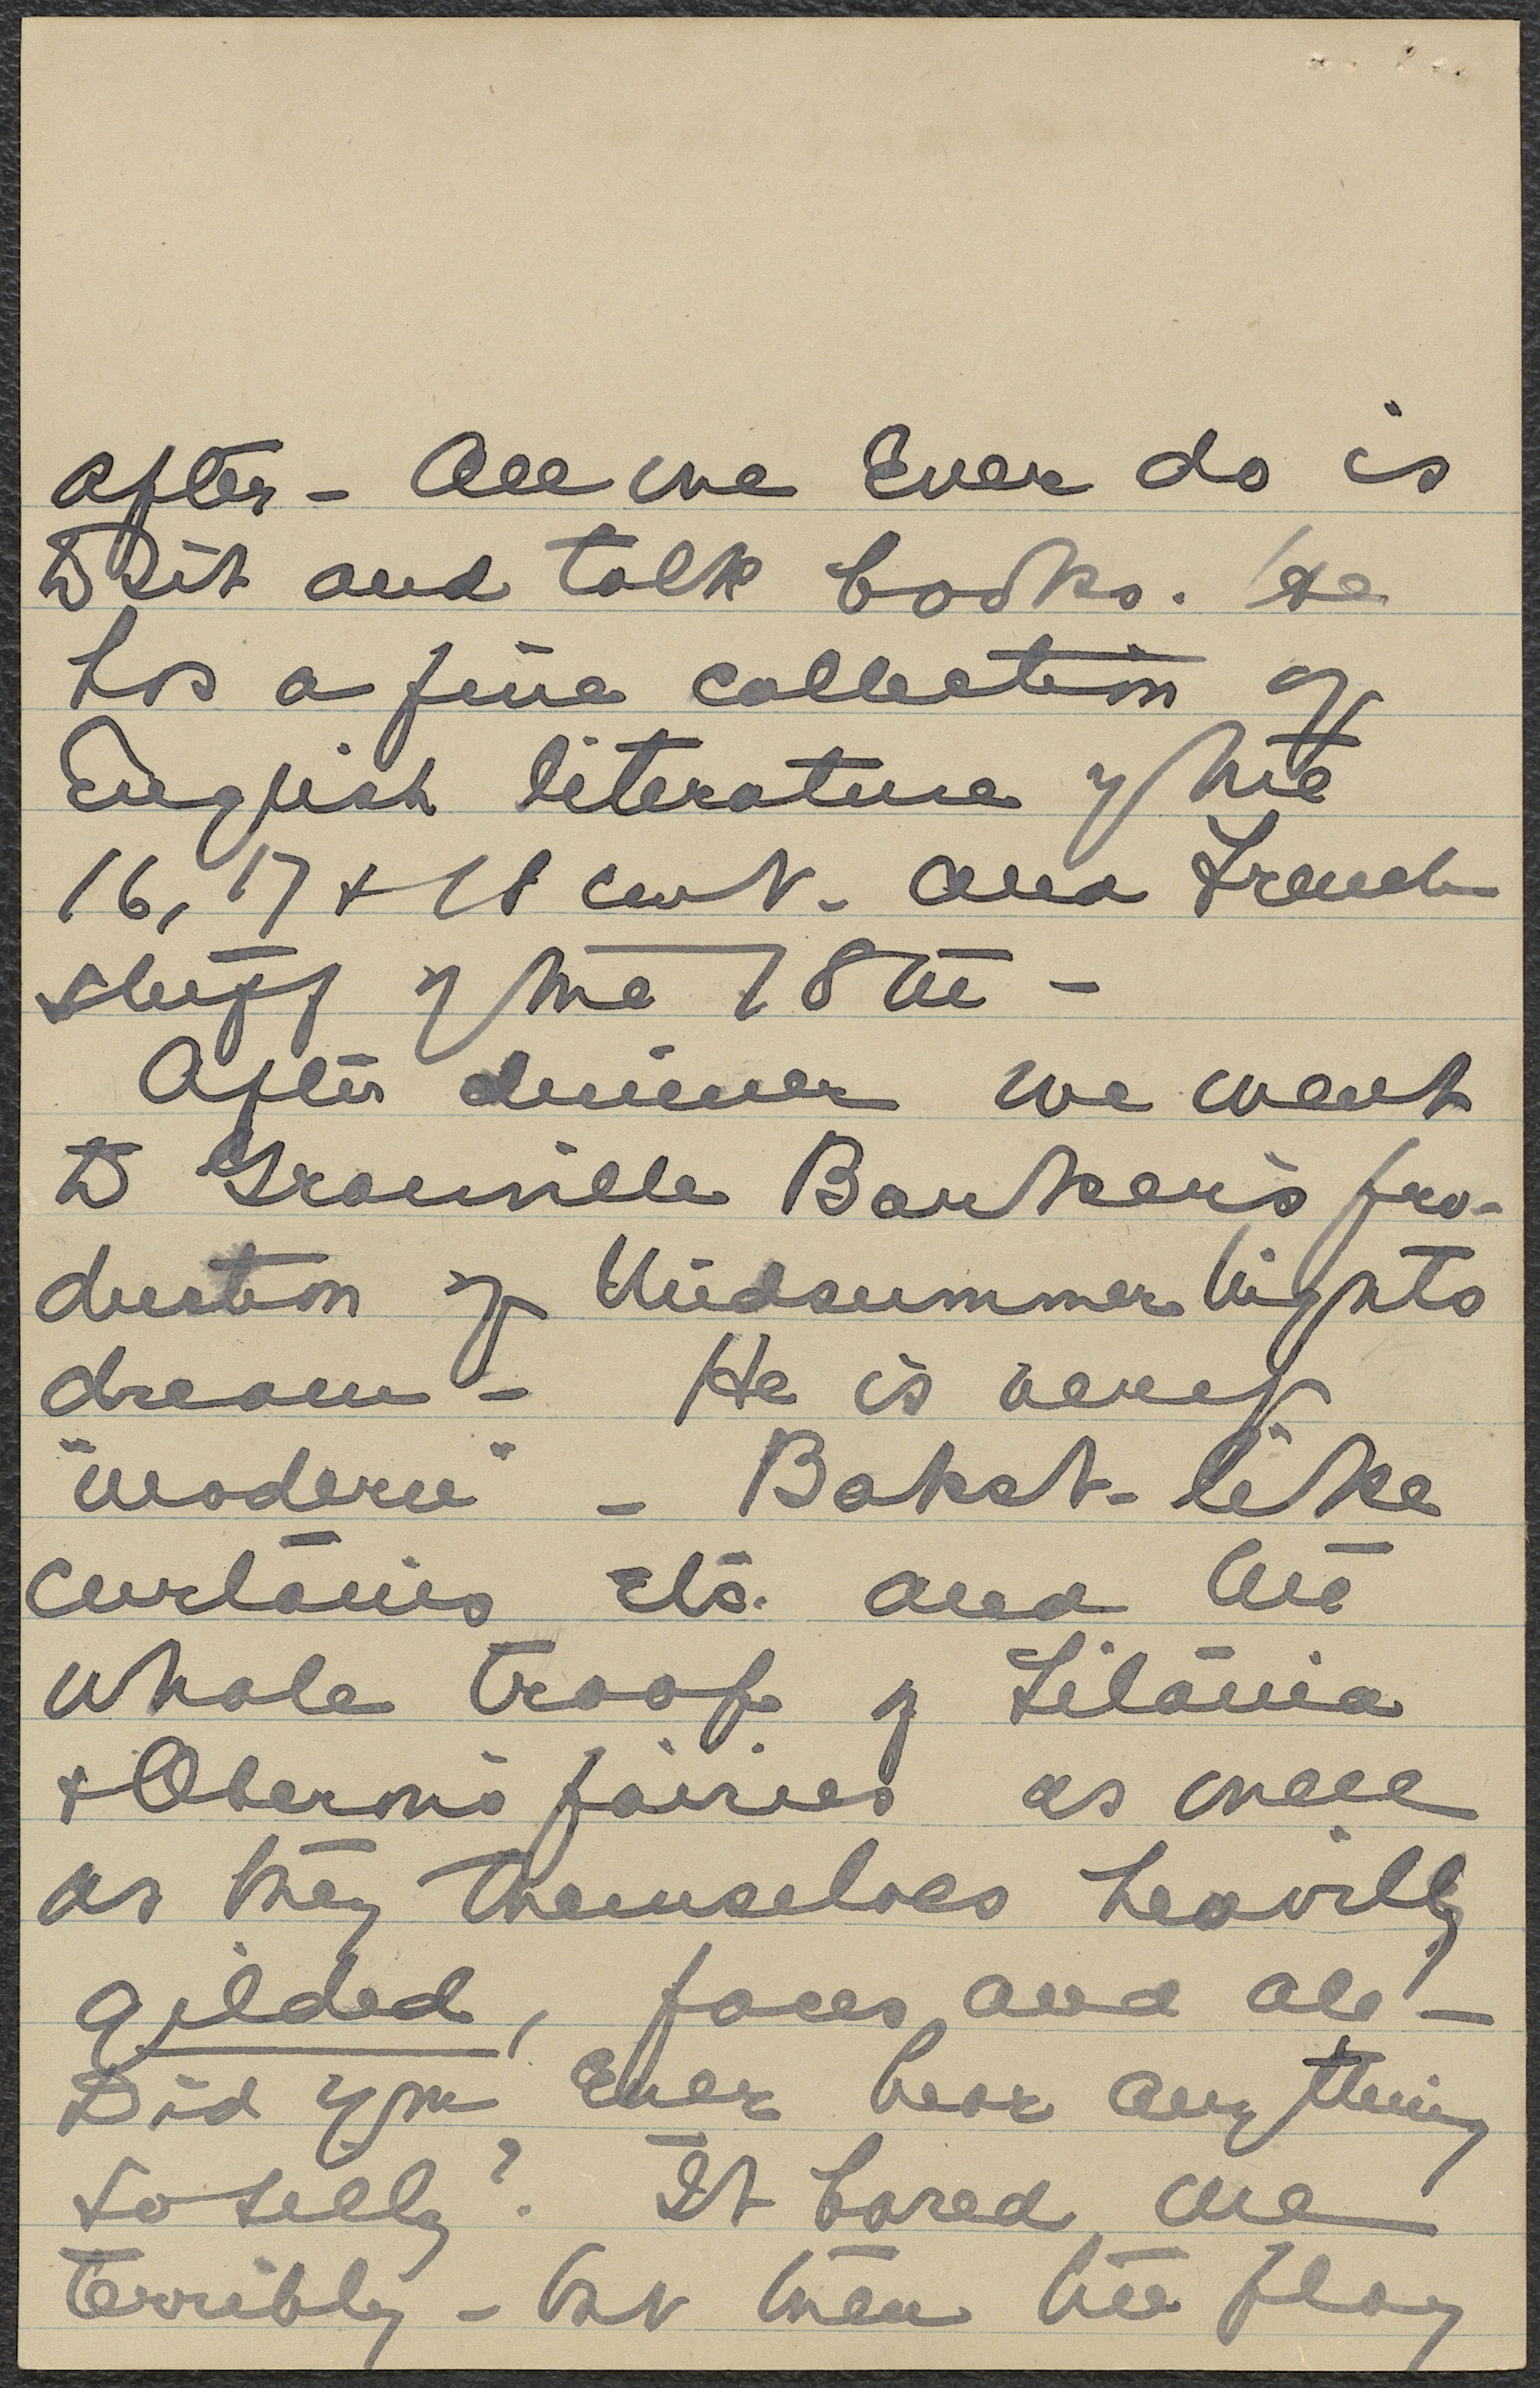after – all we ever do is to sit and talk books. He has a fine collection of English literature of the 16, 17 & 18 cent. and French stuff of the 18th –
After dinner we went to Granville Barker’s production of Midsummer Nights dream – He is very “modern” – Bakst-like curtains etc. and the whole troop of Titania & Oberon’s fairies as well as they themselves heavily gilded, faces and all – Did you ever hear anything so silly? It bored me terribly – but then the play